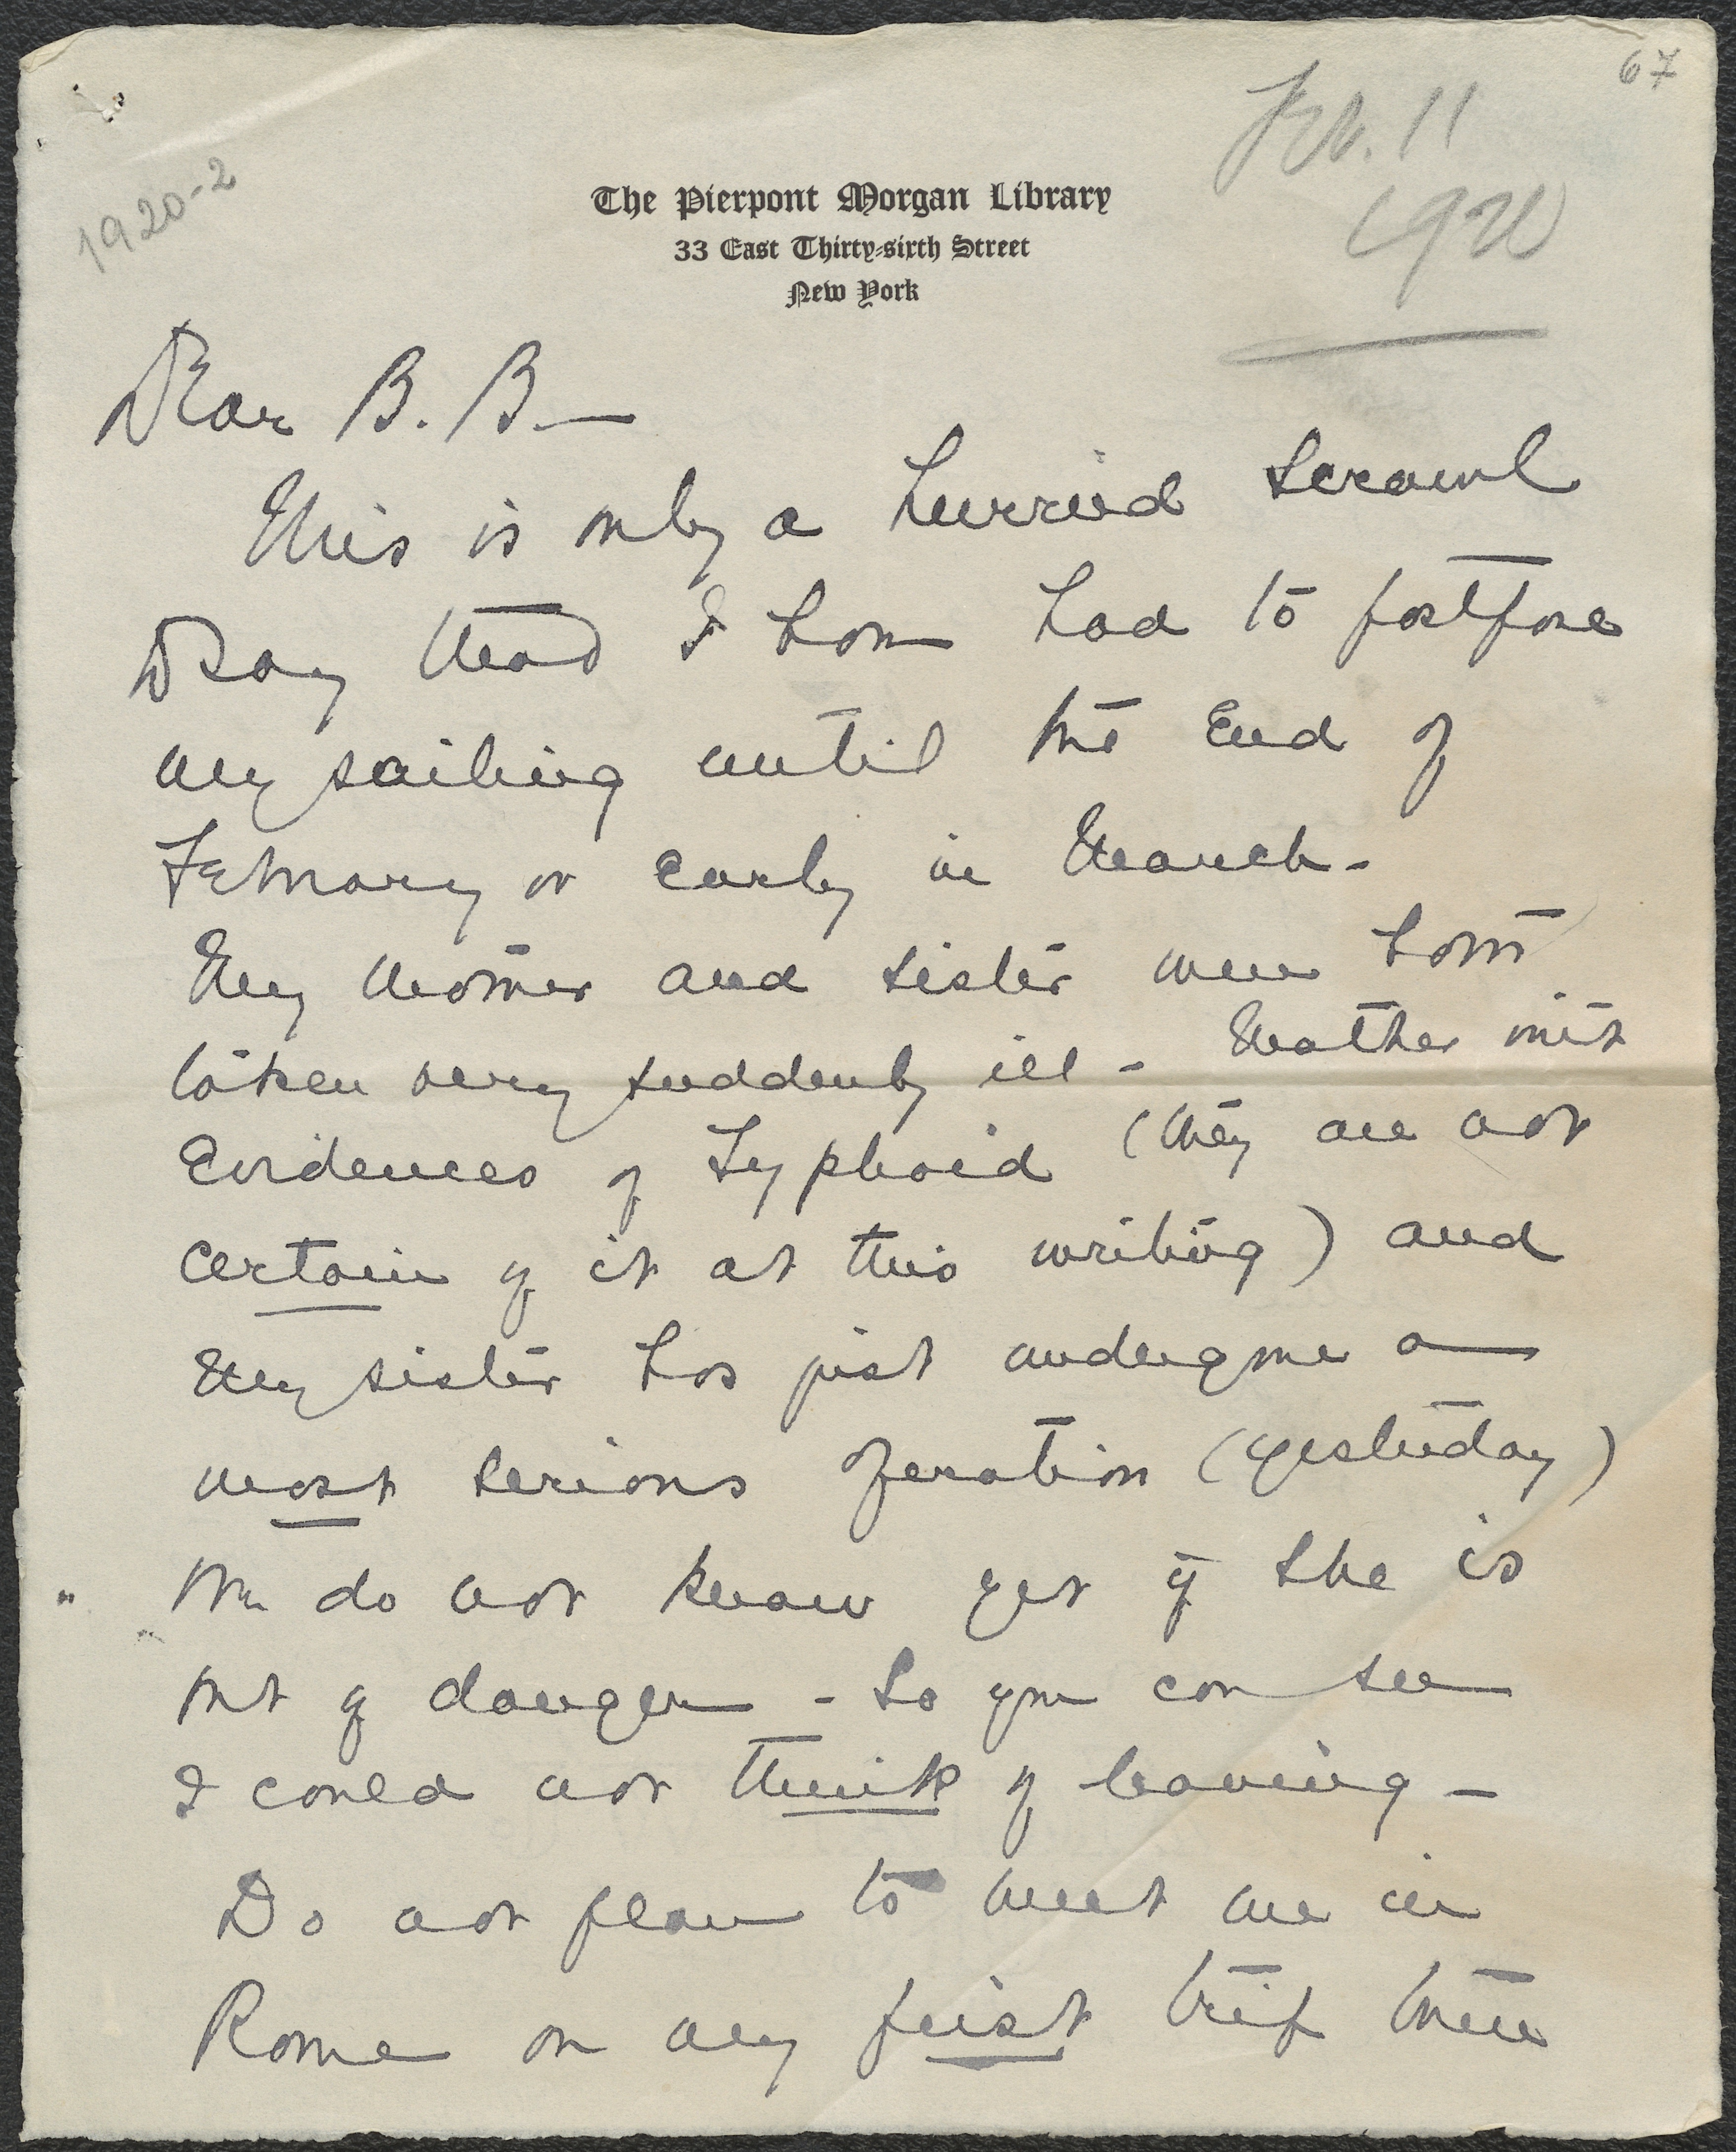[In pencil: Feb. 11
1920]
Dear B.B –
This is only a horrid scrawl to say that I have had to postpone my sailing until the end of February or early in March –
My mother and sister now have taken very suddenly ill – mother with evidences of Typhoid (they are not certain of it at this writing) and my sister has just undergone a most serious operation (yesterday) we do not know yet if she is out of danger – So you can see I could not think of leaving –
Do not plan to meet me in Rome on my first trip there